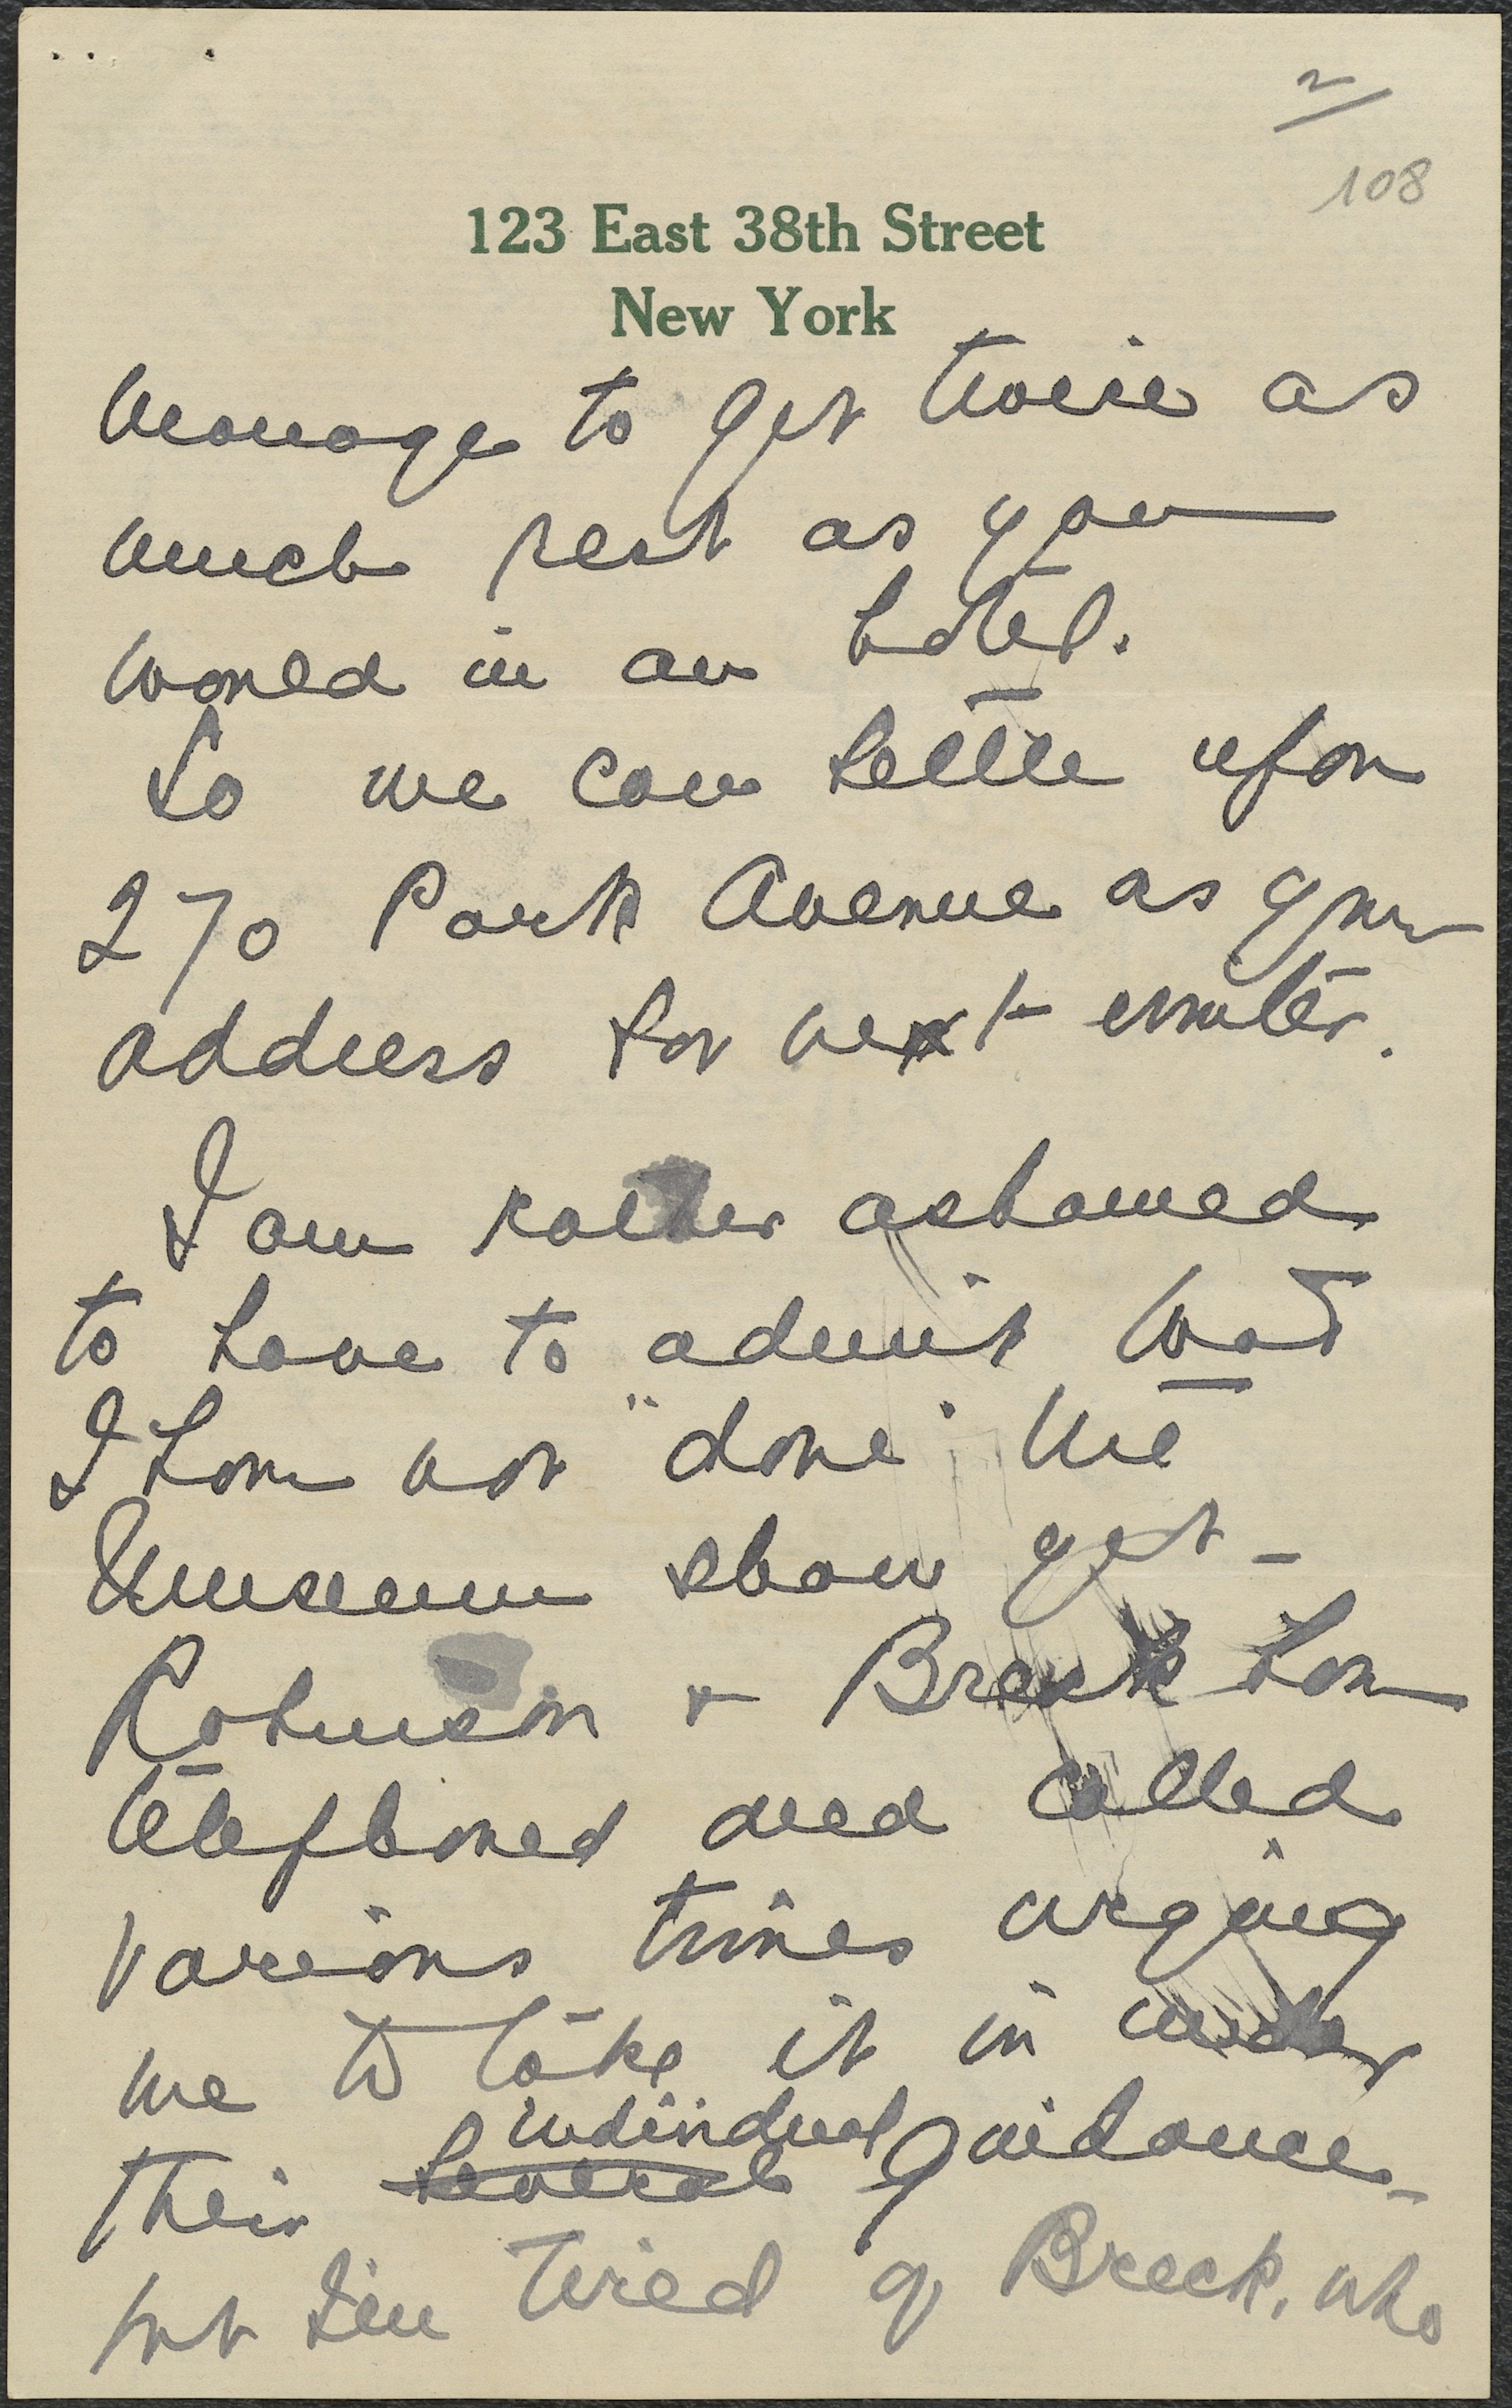manage to get twice as much rest as you would in an hotel.
So we can settle upon 270 Park Avenue as your address for next winter.
I am rather ashamed to have to admit that I have not “done” the Museum show yet – Robinson & Breck have telephoned and called various times urging me to take it in under their several [^individual^] guidance but I'm tired of Breck, who